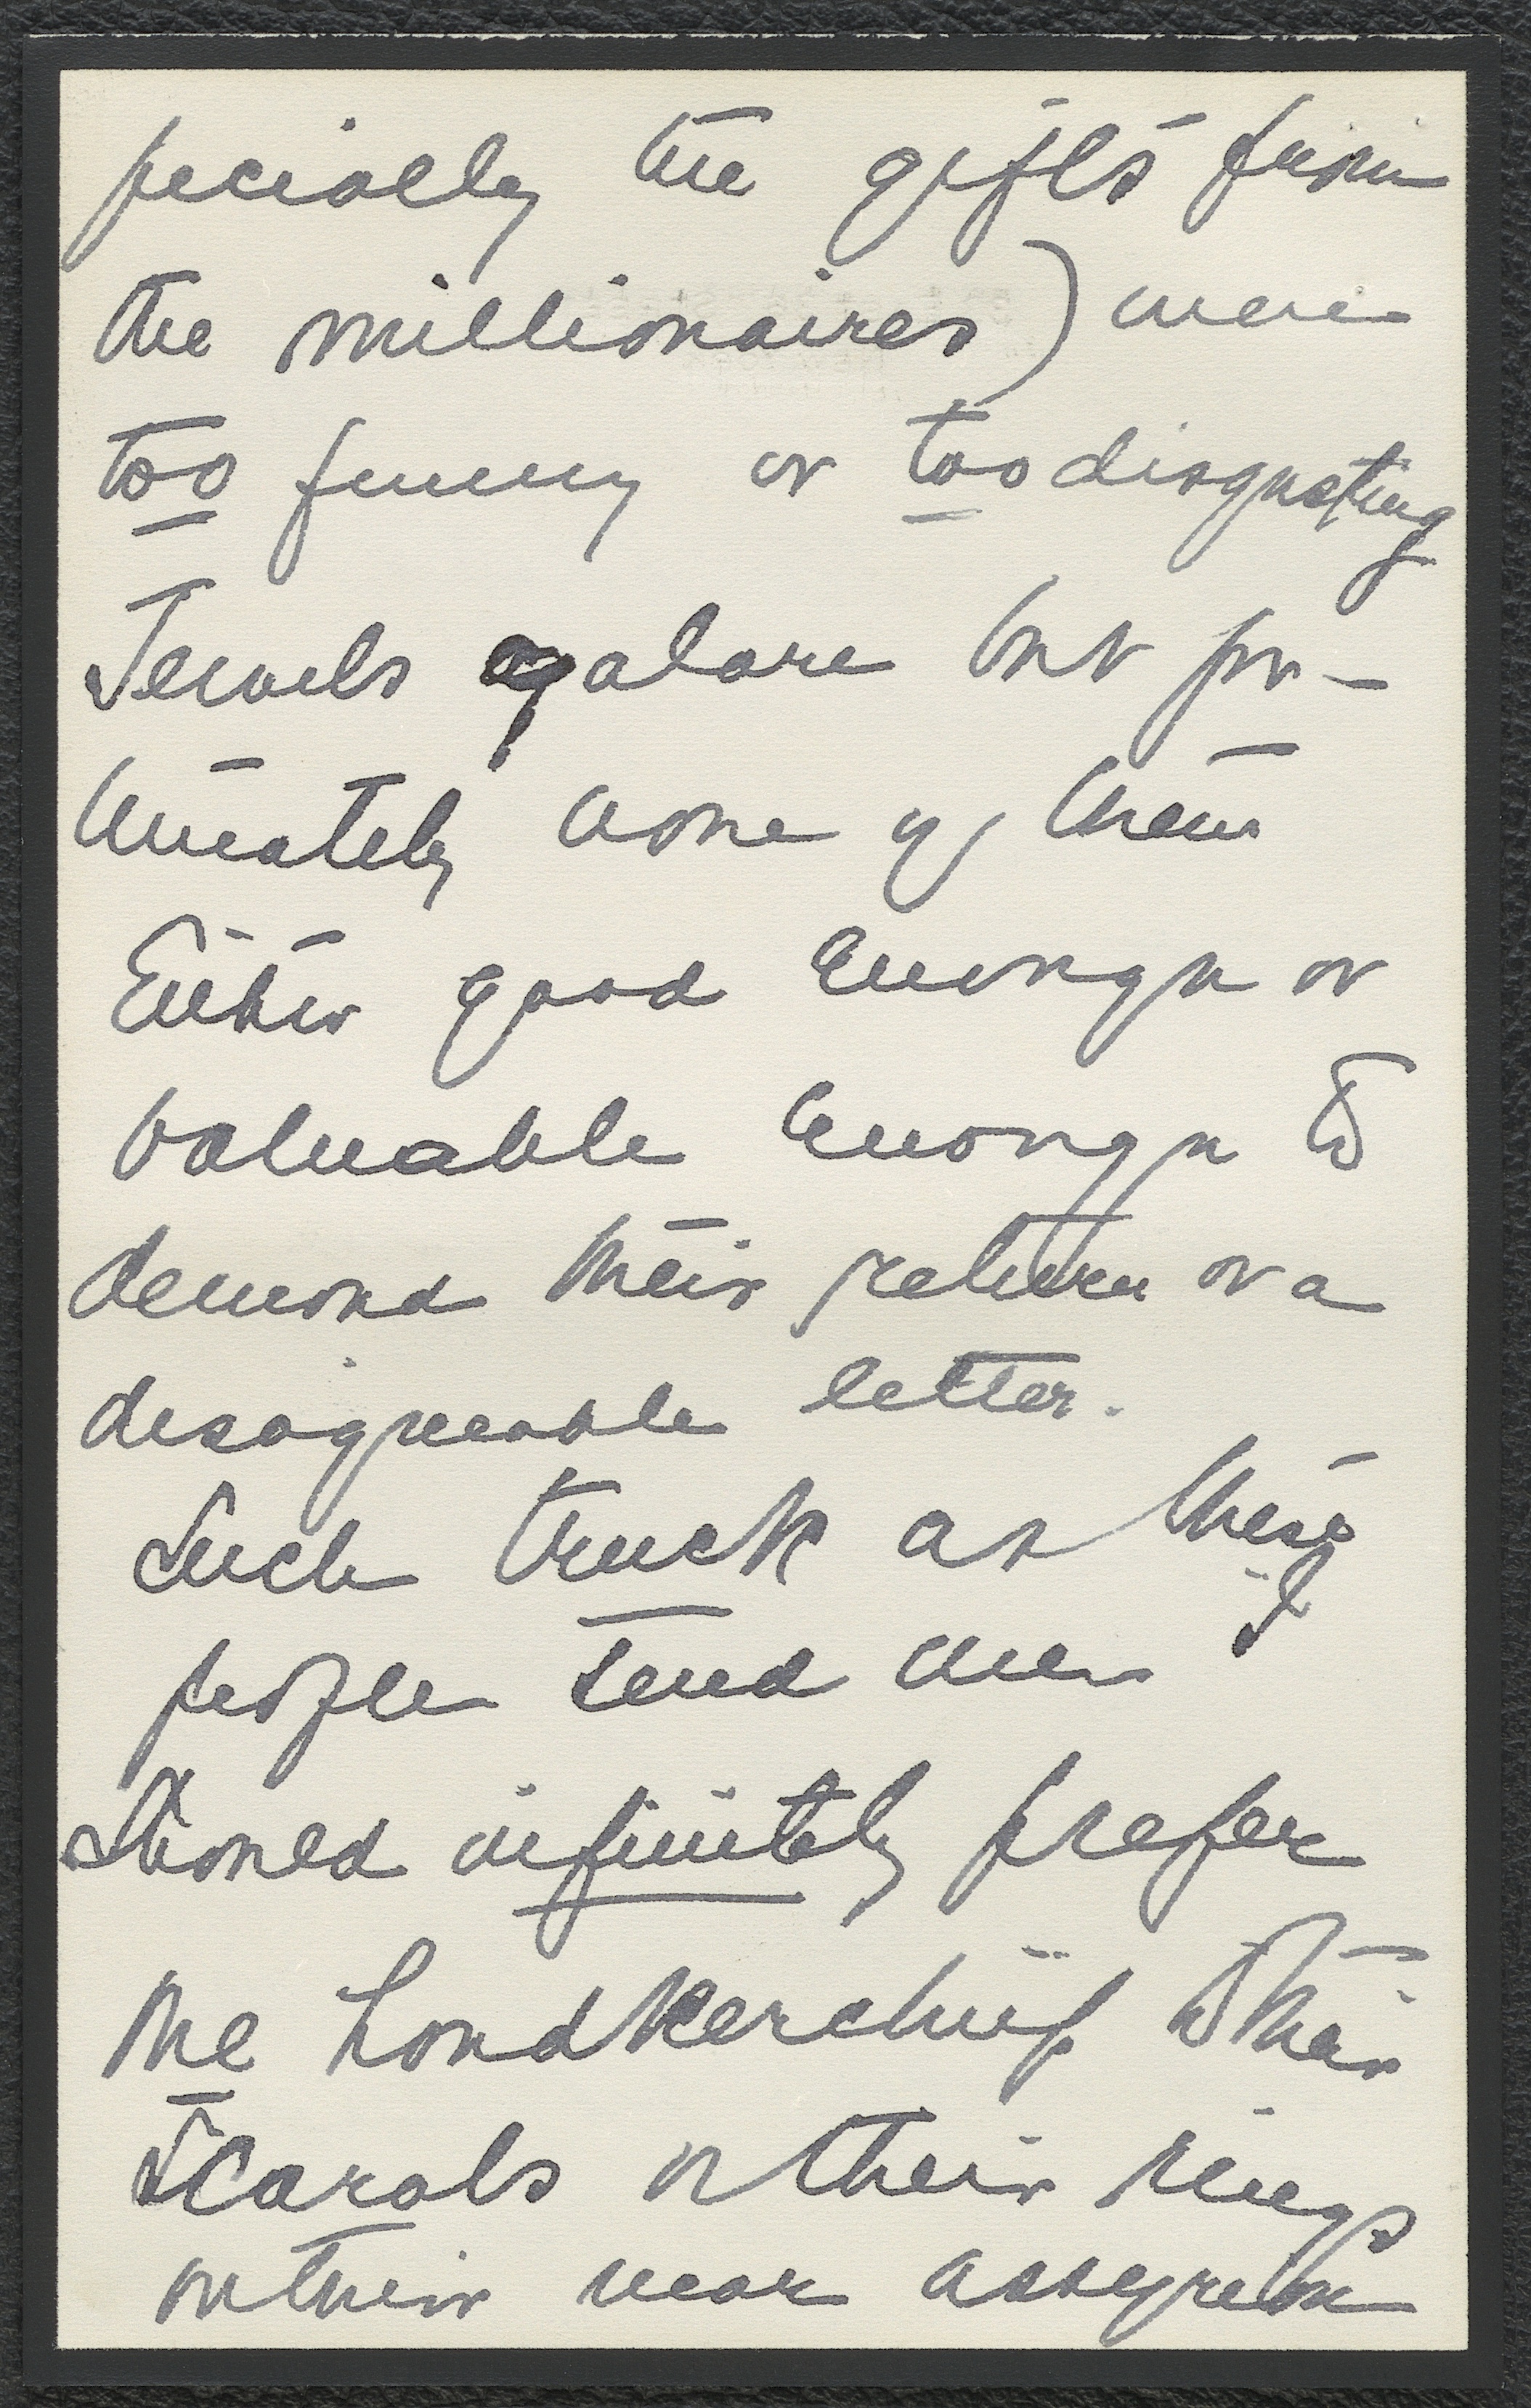the gifts from the millionaires) were too funny or too disgusting
Jewels galore but fortunately none of them either good enough or valuable enough to demand their return or a disagreeable letter.
Such truck as these people send me should infinitely prefer one handkerchief to their Scarabs or their rings or their near Assyrian